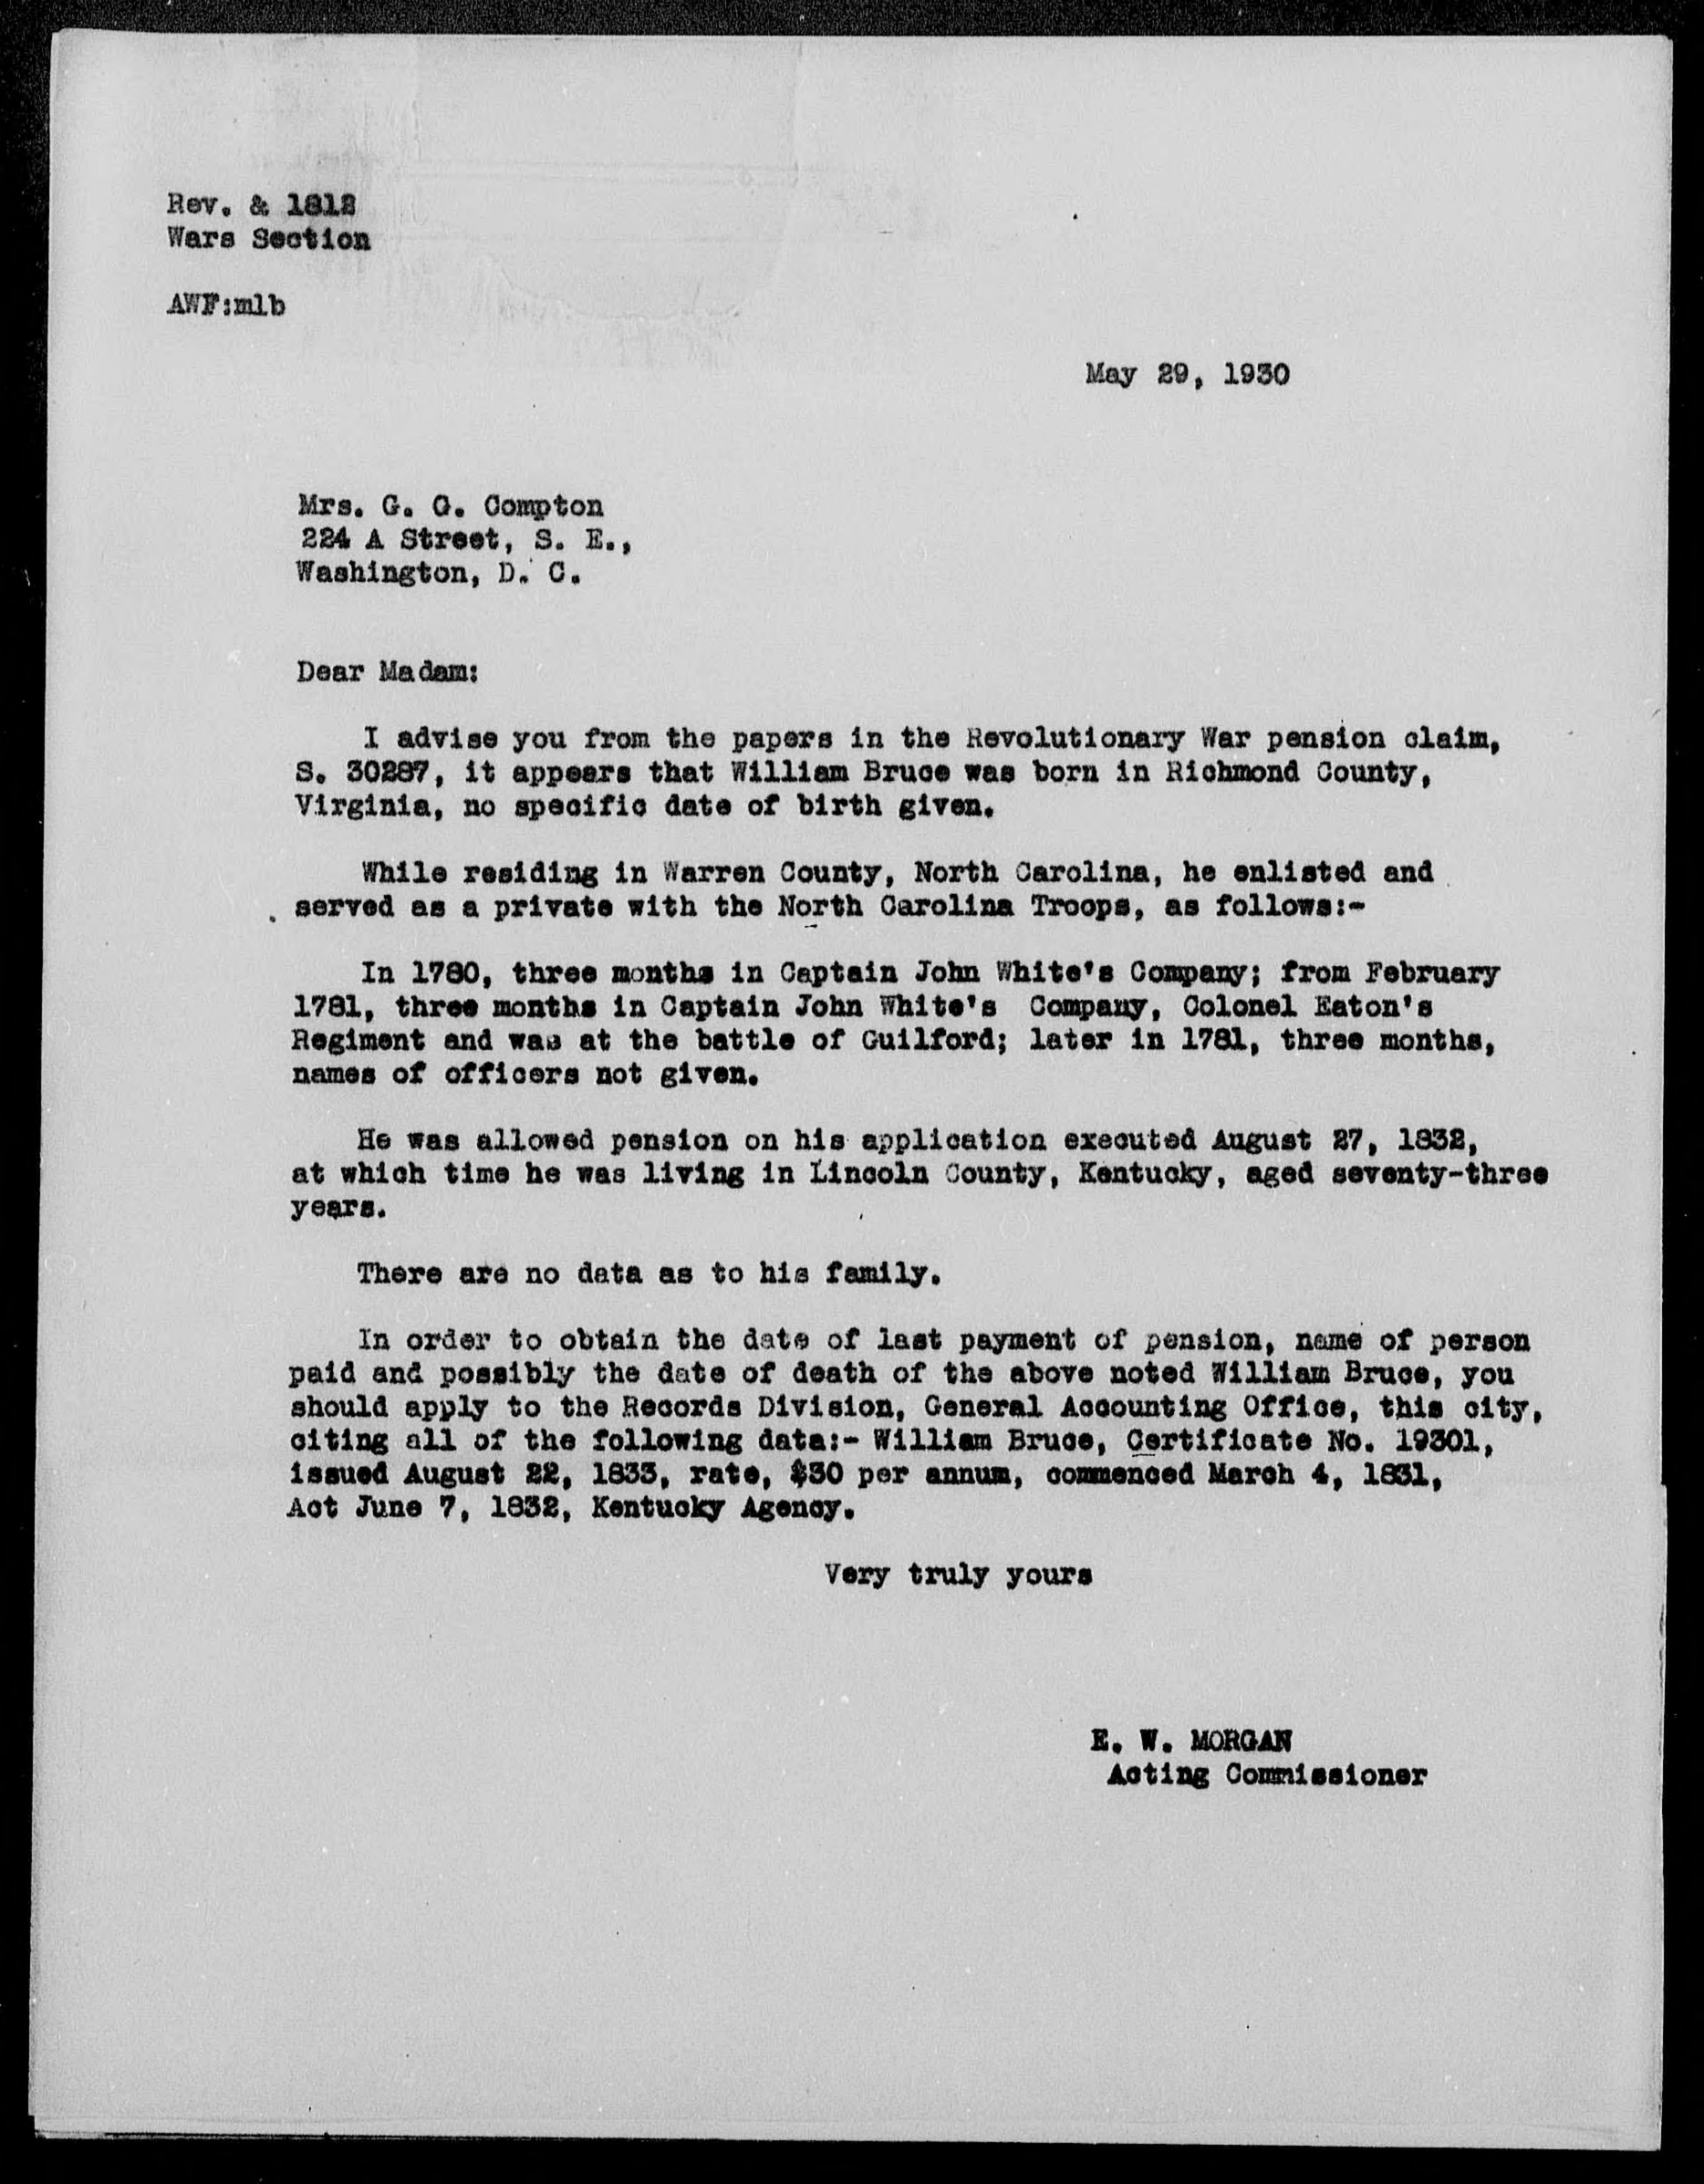[typed form]

Rev. & 1812 
Wars Section 

AWF:mlb 

May 29, 1930

Mrs. G. G. Compton 
224 A Street, S. E. 
Washington, D. C. 

Dear Madam: 

I advise you from the papers in the Revolutionary War pension claim, S. 30287, it appears that William Bruce was born in Richmond County, Virginia, no specific date of birth given.

While residing in Warren County, North Carolina, he enlisted and served as a private with the North Carolina Troops, as follows: 

In 1780, three months in Captain John White's Company; from February 1781, three months in Captain John White's Company, Colonel Eaton's Regiment and was at the battle of Guilford; later in 1781, three months, names of officers not given. 

He was allowed pension on his application executed August 27, 1832, at which time he was living in Lincoln County, Kentucky, aged seventy-three years. 

There are no data as to his family.

In order to obtain the date of last payment of pension, name of person paid and possibly the date of death of the above noted William Bruce, you should apply to the Records Division, General Accounting Office, this city, citing all of the following data: William Bruce, Certificate No. 19301, issued August 22, 1833, rate, $30 per annum, commenced March 4, 1831, Act June 7, 1832, Kentucky Agency. 

Very truly yours 

E. W. MORGAN 
Acting Commissioner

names: William Bruce, G G Compton, William Bruce, E W Morgan, William Bruce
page: 14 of 54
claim: survivor's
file: S. 30287, William Bruce, N.C.